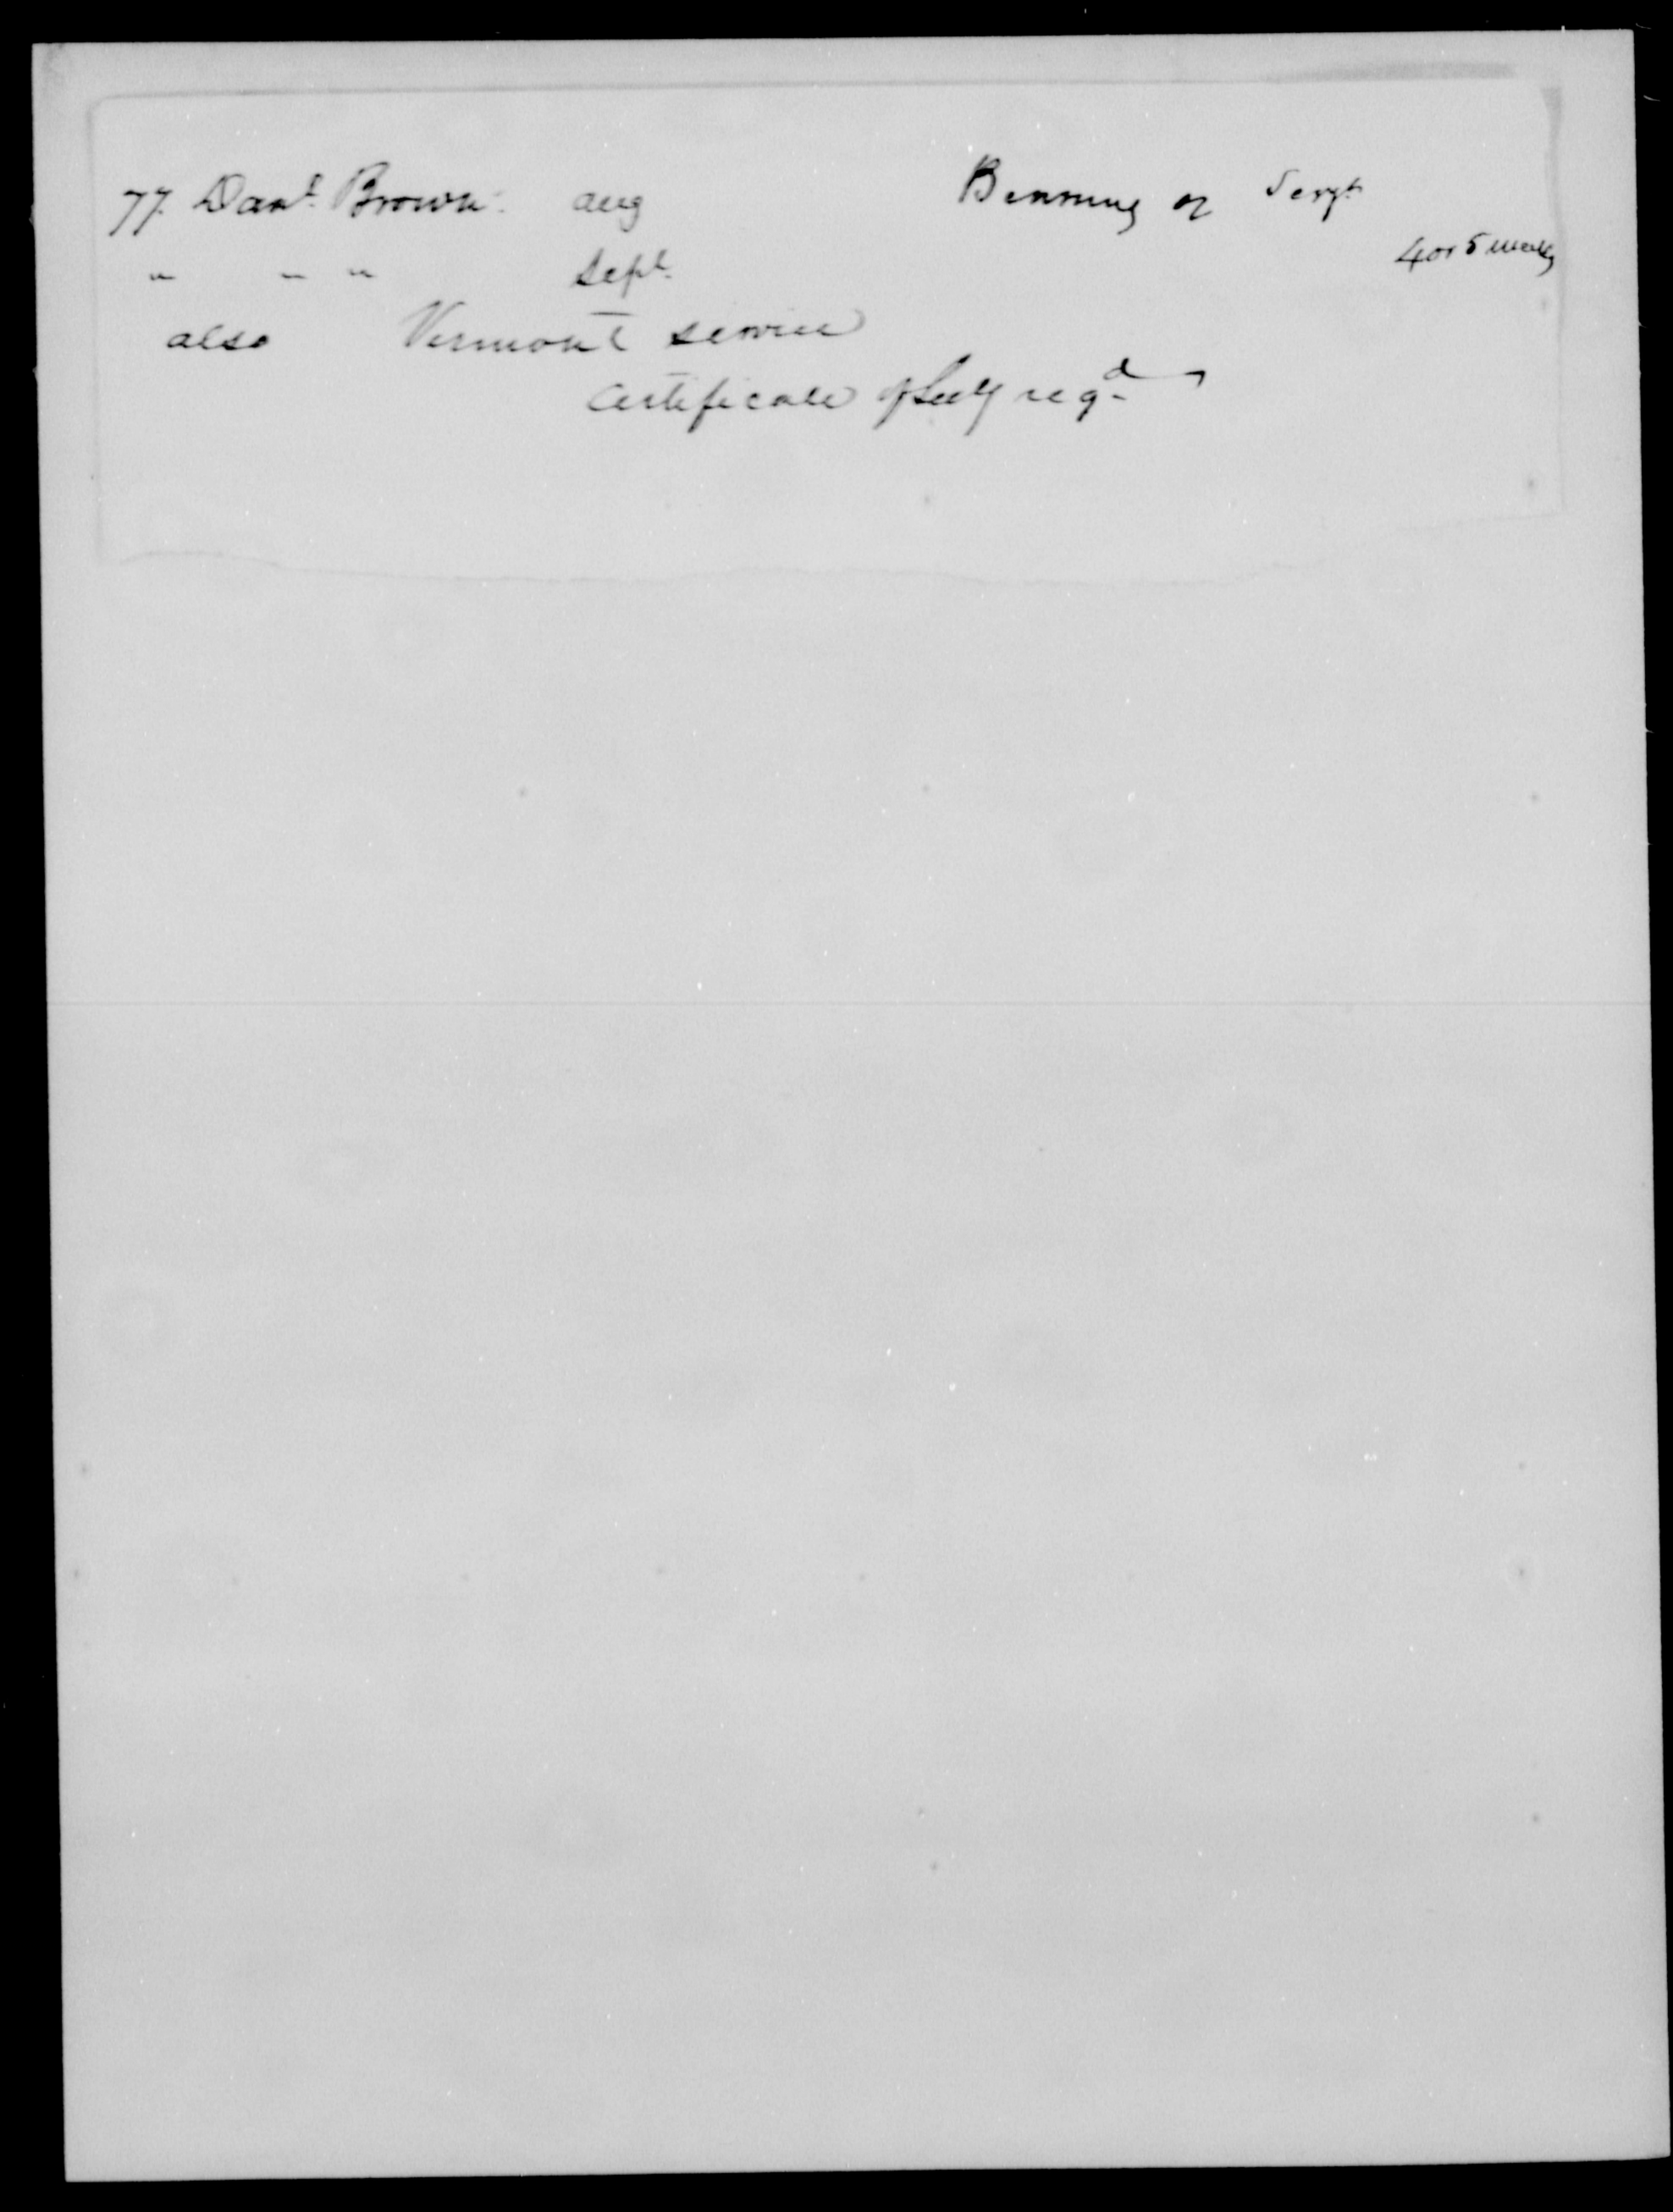also
77 Danl Brown and
Benning of Sept
Vermont service
certificate of Say regd
4005 was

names: Danl Brown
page: 26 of 52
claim: rejected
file: R. 9493, for George Sherman, Vermont